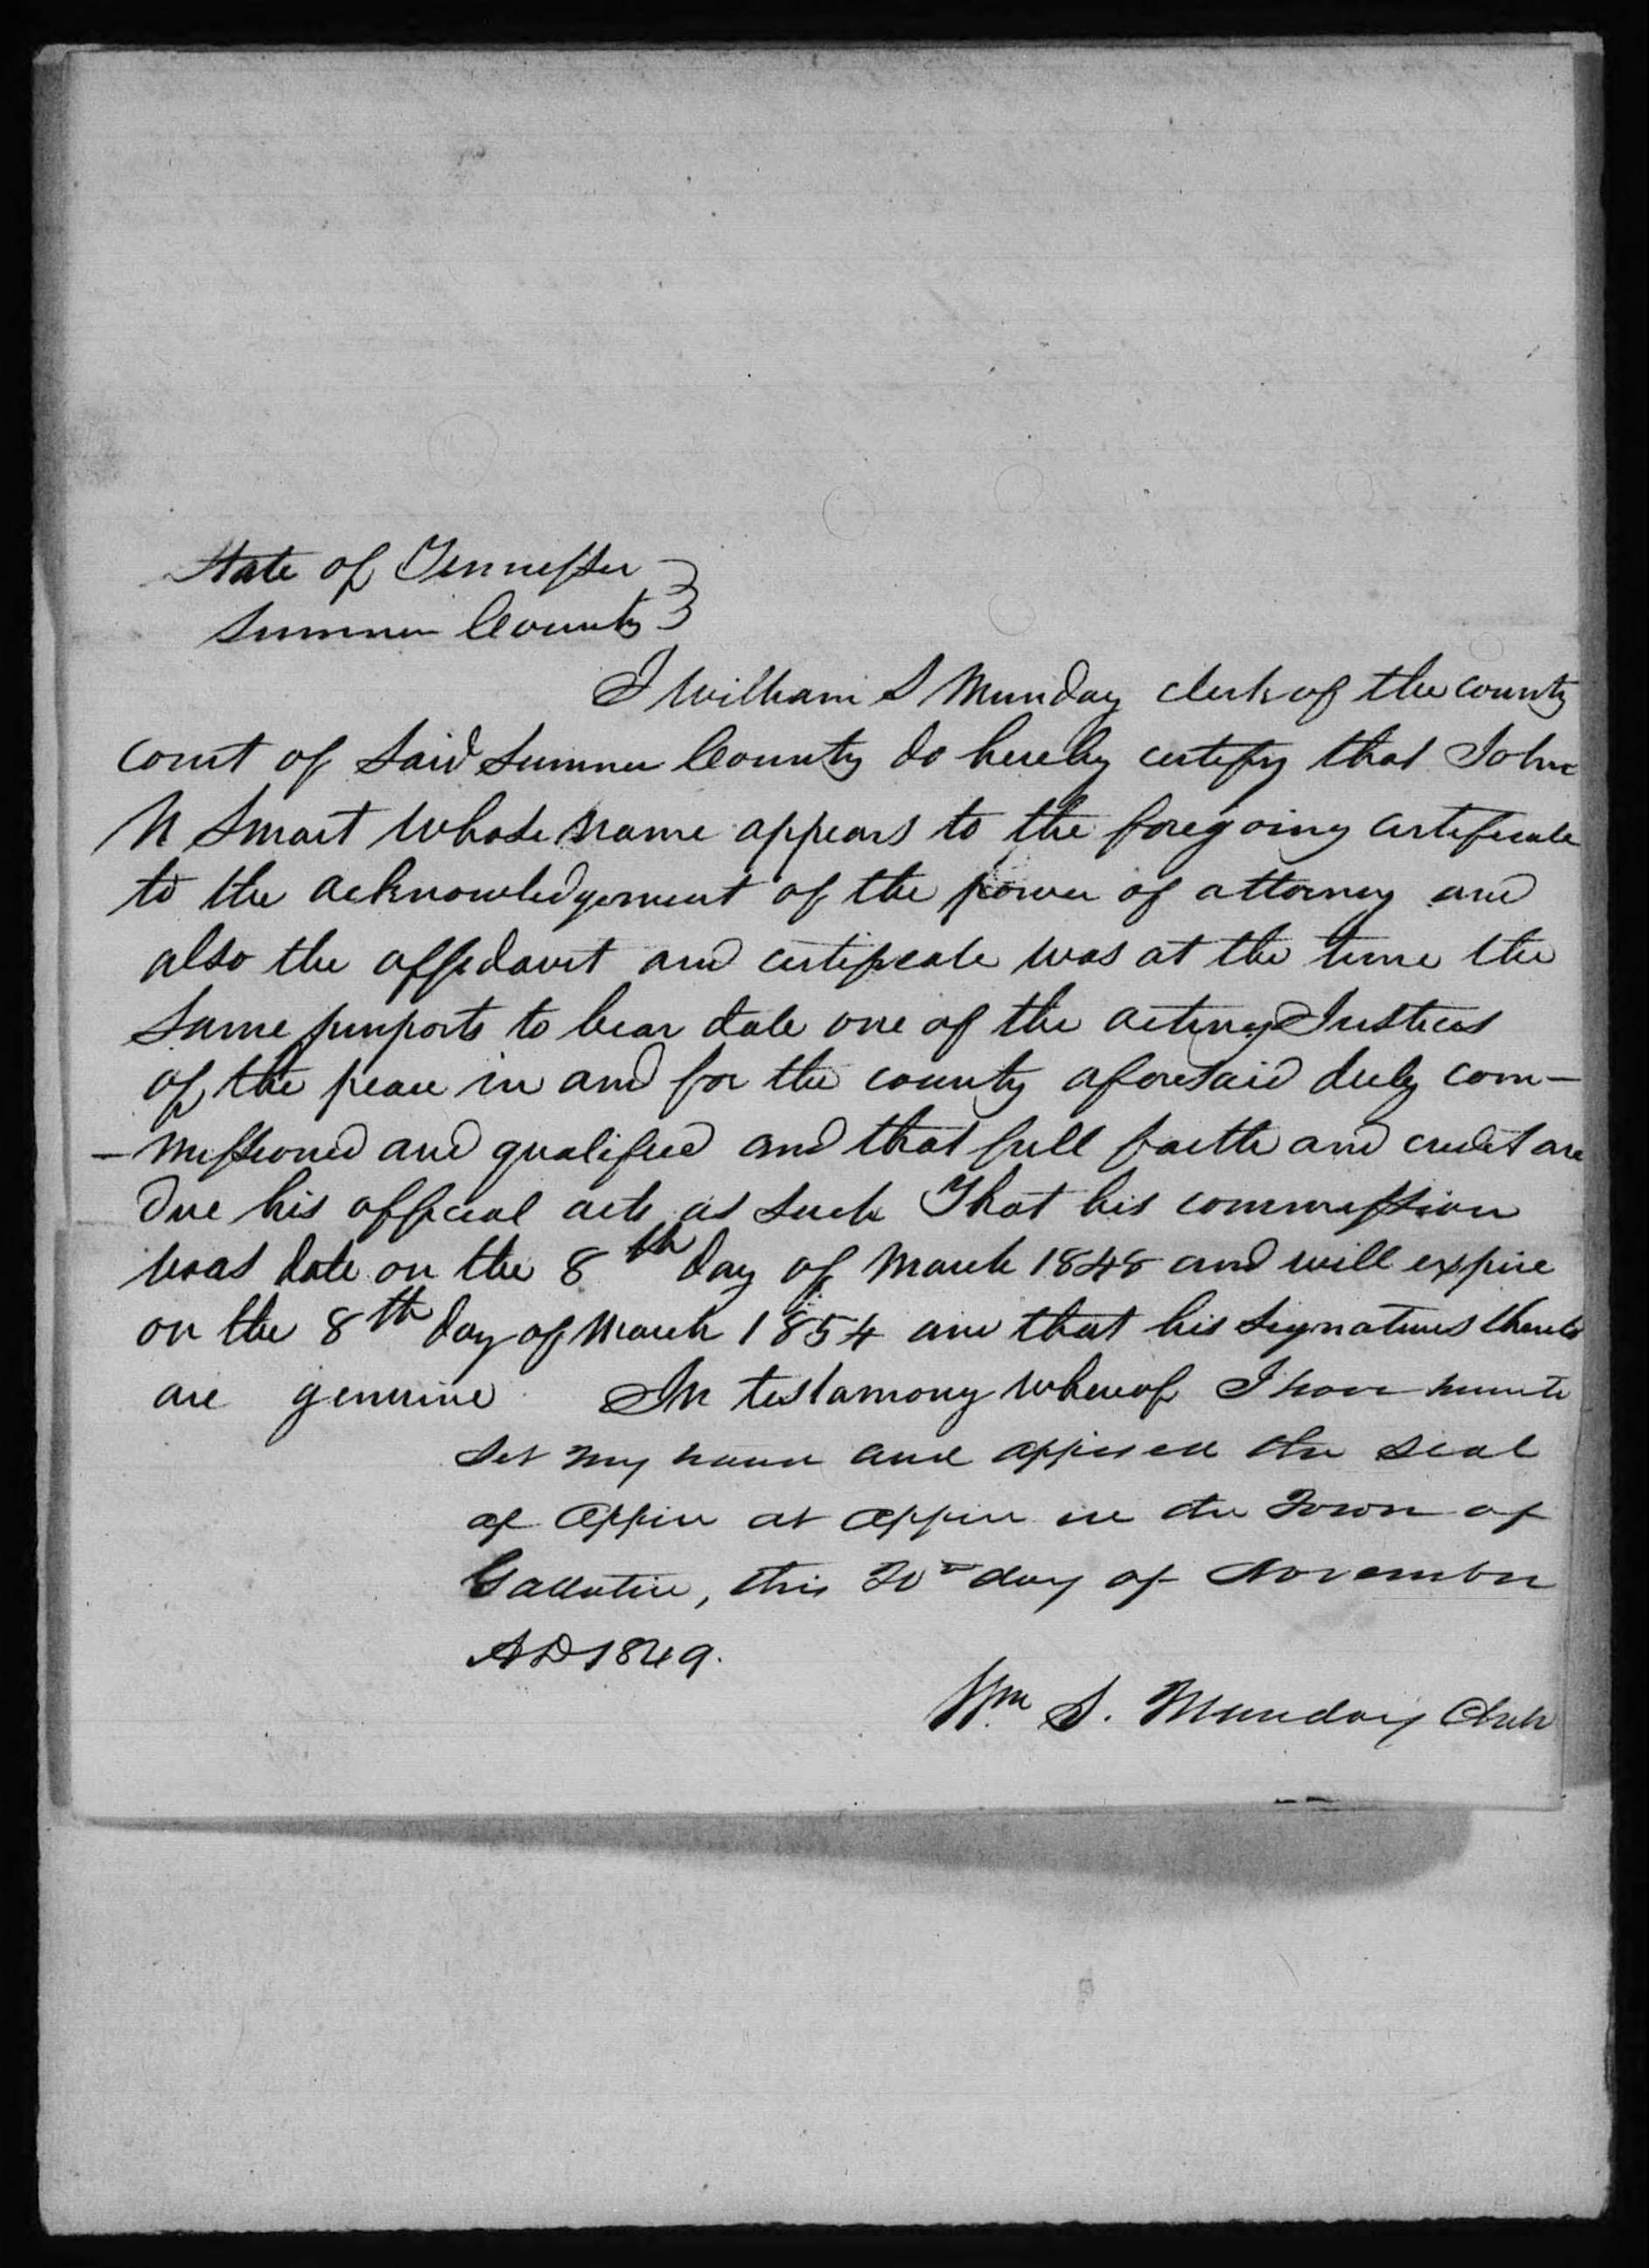State of Tennessee }
Sumner County }

I William S Munday clerk of the County 
Court of said Sumner County do hereby certify that John 
N Smart whose name appears to the foregoing certificate 
to the acknowledgment of the power of attorney and 
also the affidavit and certificate was at the time the 
same purports to bear date one of the acting Justices 
of the peace in and for the County aforesaid duly com
missioned and qualified and that full faith and credit are 
due his official acts as such That his commission 
bears date on the 8th day of March 1848 and will expire 
on the 8th day of March 1854 and that his signatures thereto 
are genuine.  In testimony whereof I have hereunto 
set my hand and affixed the seal 
of office at office in the town of 
Gallatin, this 20th day of November 
AD 1849.
Wm. S. Munday Clerk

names: Wm S Munday, William S Munday, John N Smart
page: 74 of 76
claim: widow's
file: W. 83, Albert Hendricks, Continental Md. N.C.